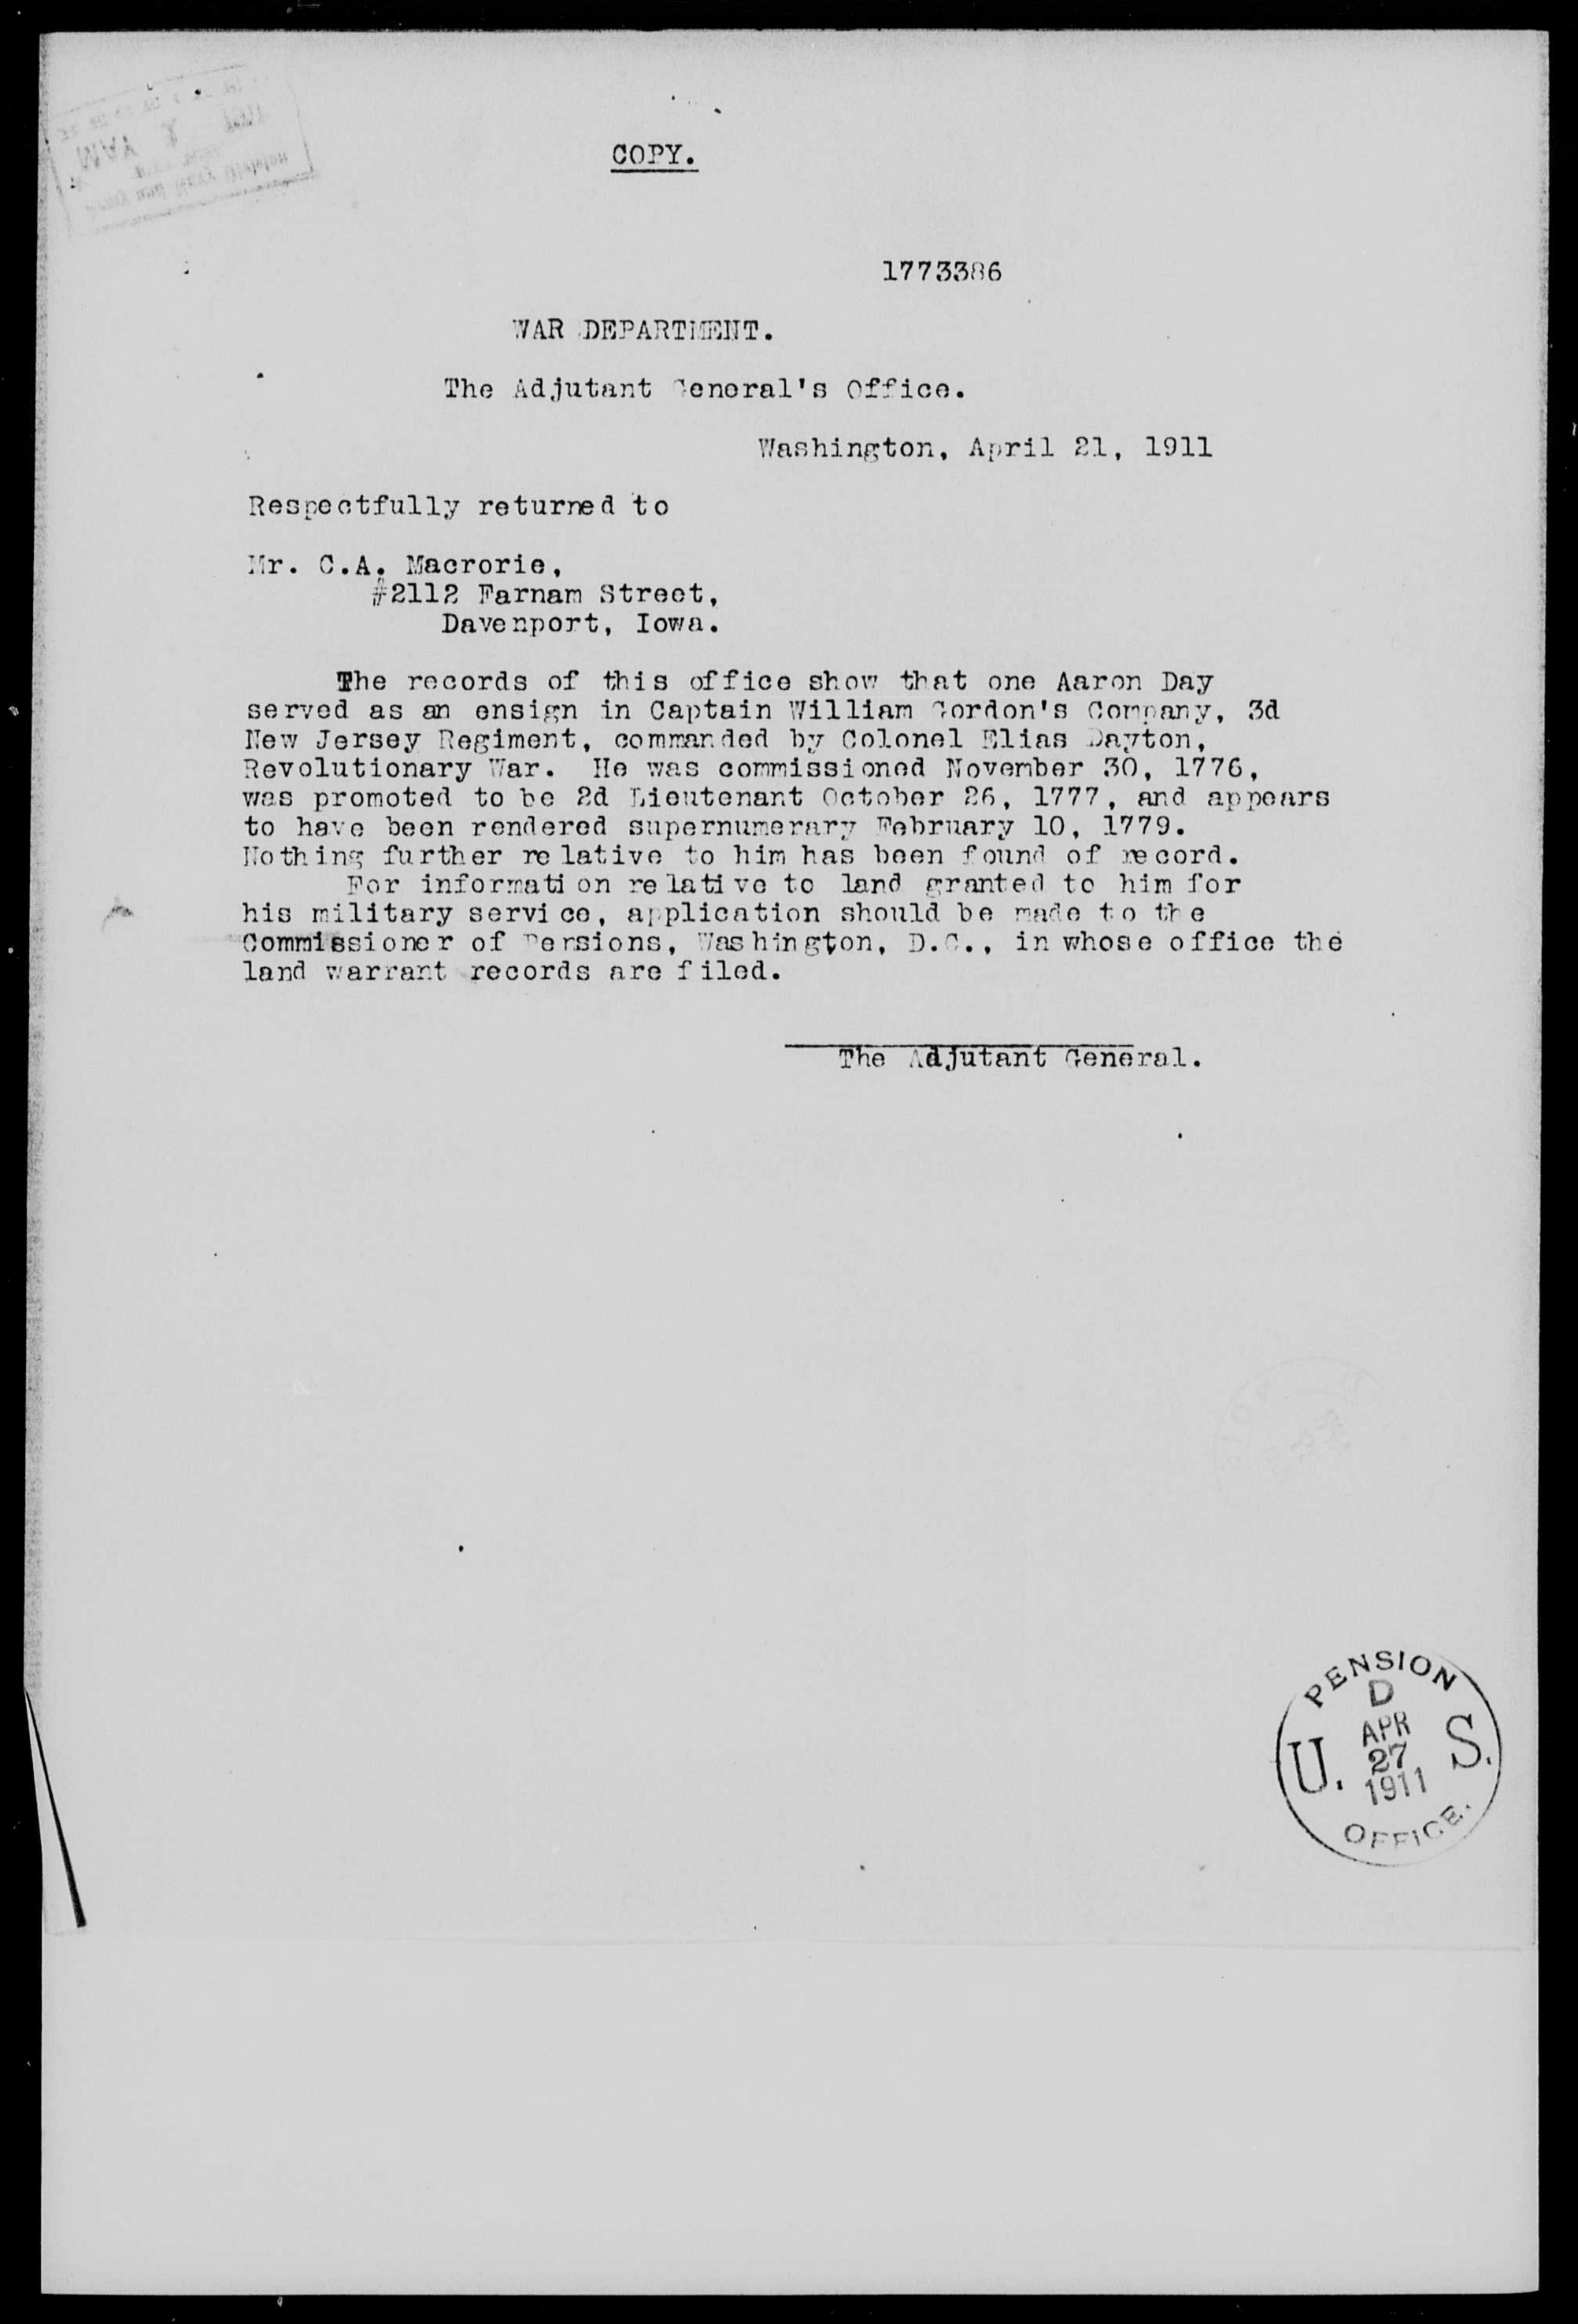COPY. [underlined]
1773386
WAR  DEPARTMENT.
The Adjutant General's Office.
Washington, April 21, 1911
Respectfully returned to
Mr. C. A. Macrorie, #2112 Farnam Street, Davenport, Iowa.
The records of this office show that one Aaron Day served as an ensign in Captain William Gordon's Company, 3d New Jersey Regiment, commanded by Colonel Elias Dayton, Revolutionary War.  He was commissioned November 30, 1776, was promoted to be 2d Lieutenant October 26, 1777, and appears to have been rendered supernumerary February 10, 1779.  Nothing further relative to him has been found of record.
For information relative to land granted to him for his military service, application should be made to the Commissioner of Pensions, Washington, D.C., in whose office the land warrant records are filed.
[blank signature line]
The Adjutant General.
[circular stamp:] U.S. PENSION OFFICE D APR 27 1911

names: Aaron Day, Elias Dayton, C A Macrorie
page: 14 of 15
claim: bounty land warrant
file: B. L. Wt. 1849-200, Aaron Day, New Jersey